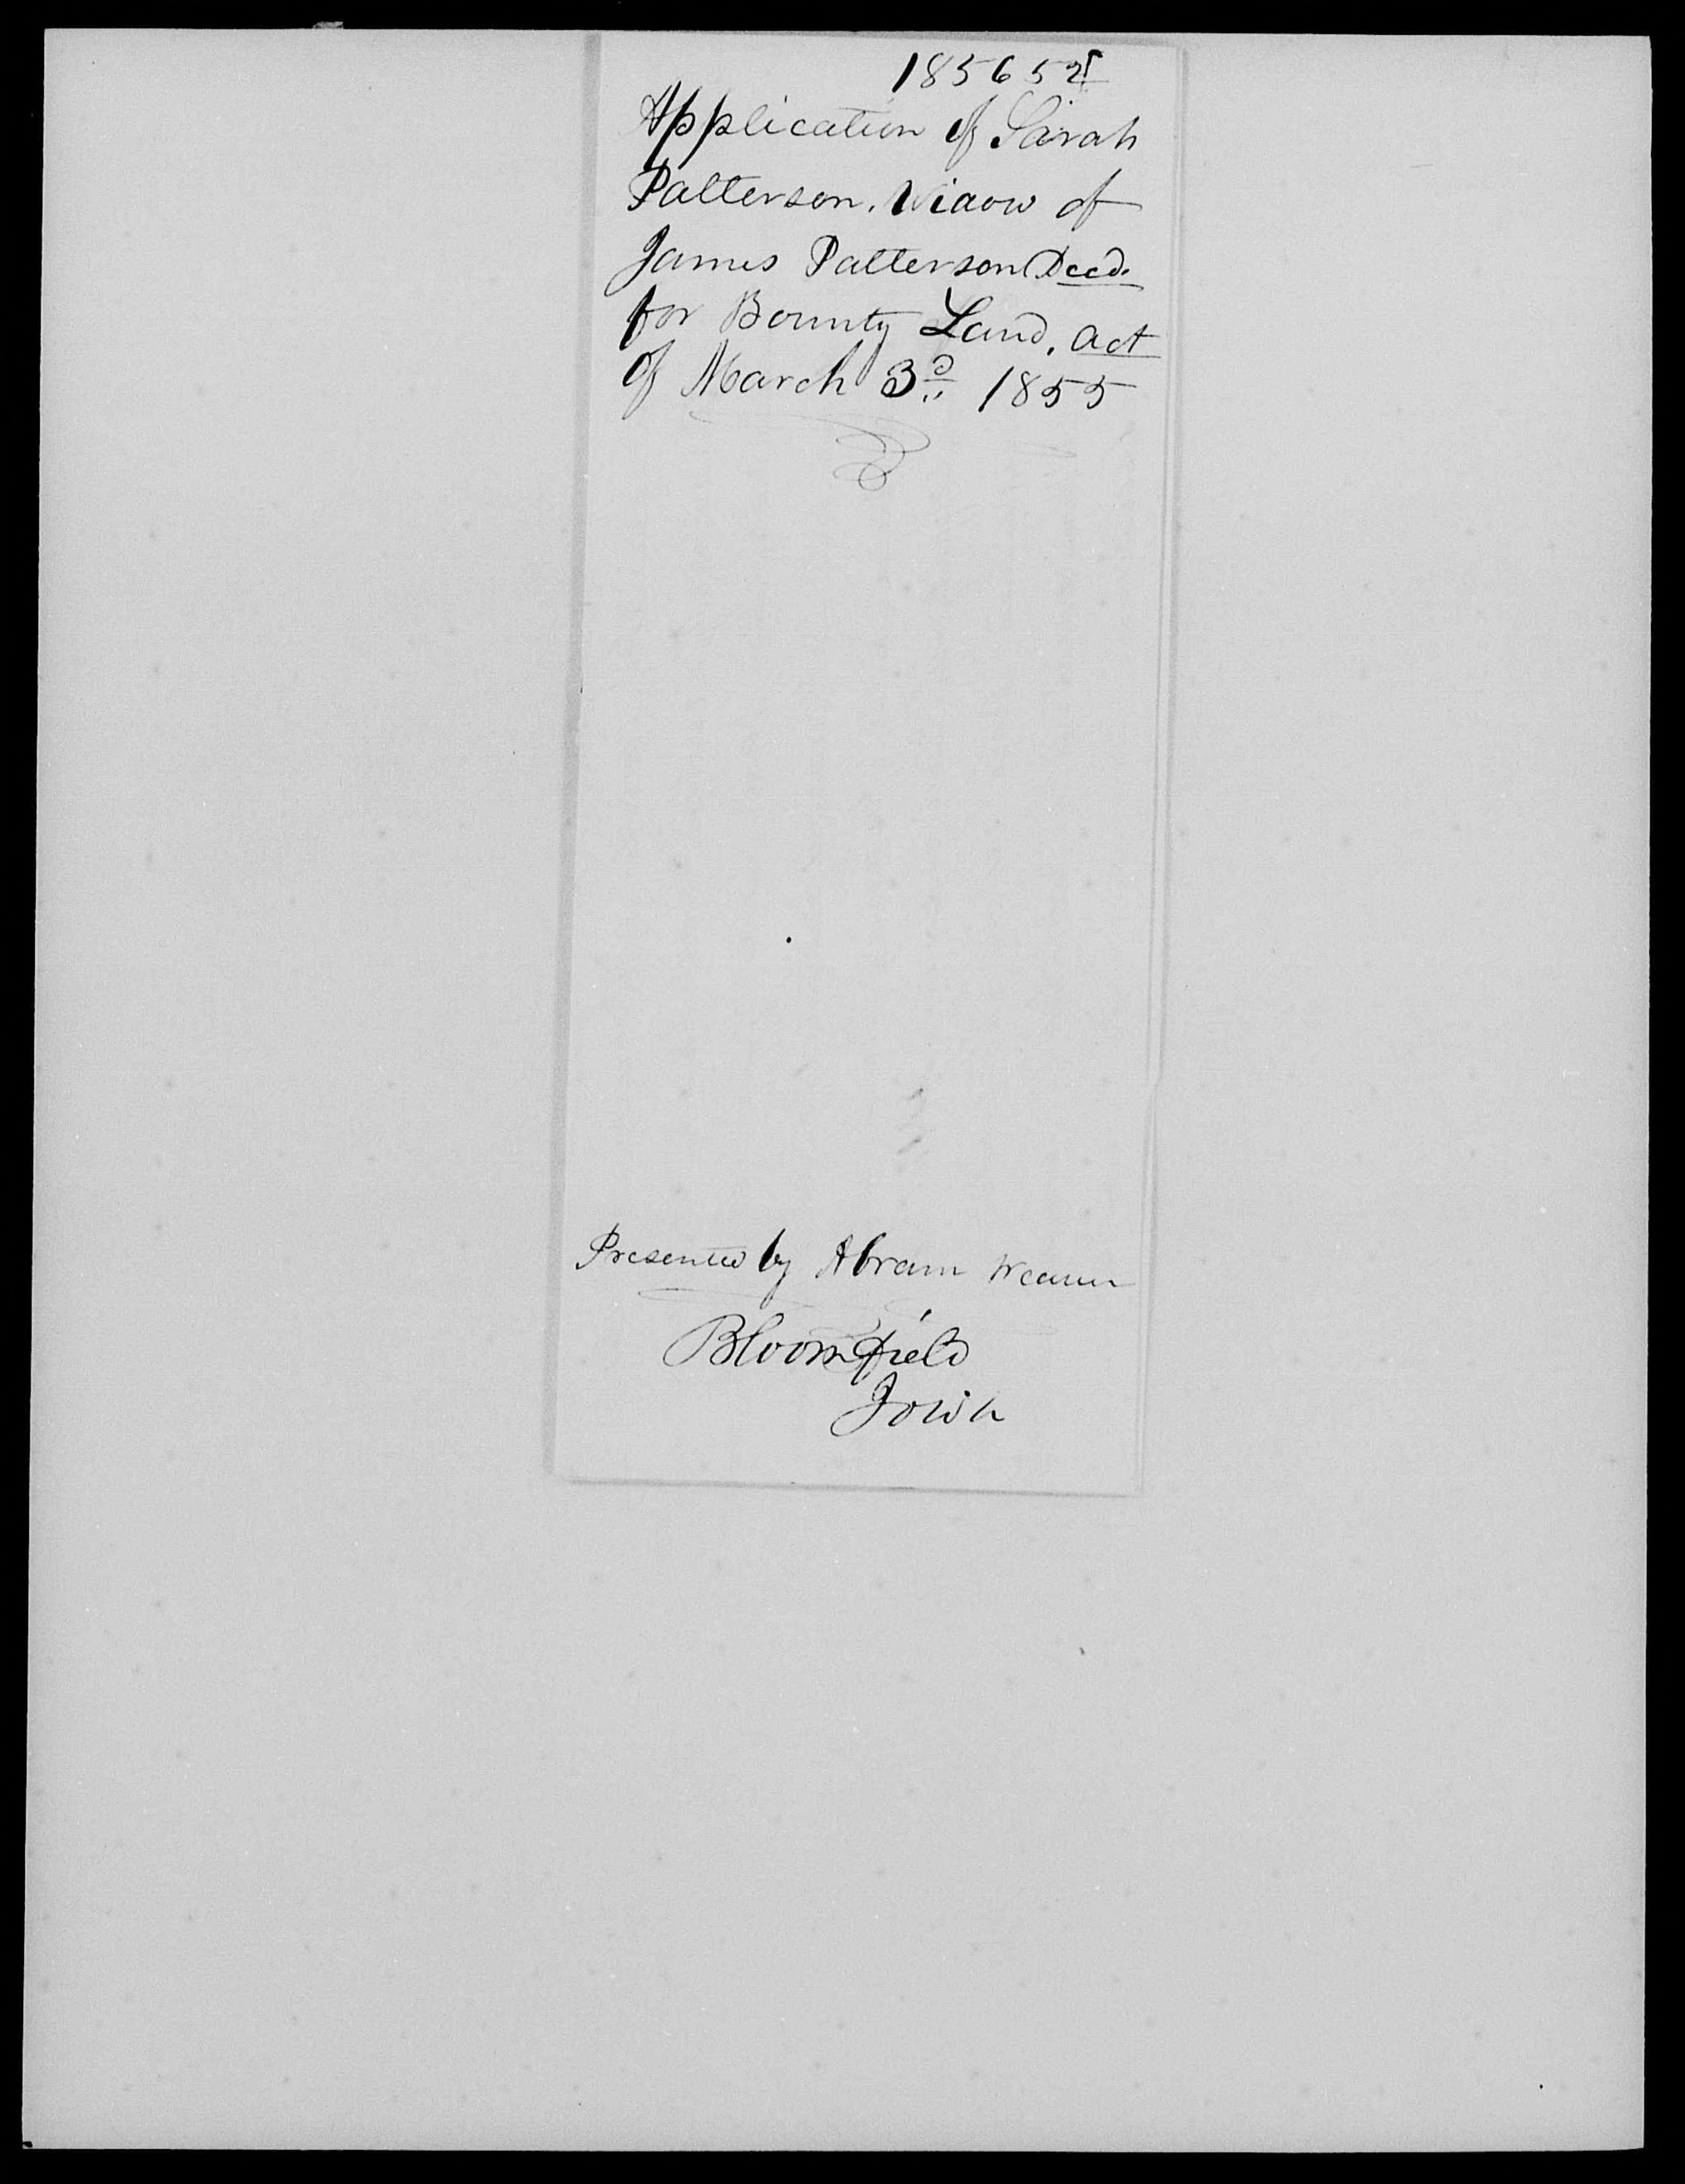185652
Application of Sarah
Patterson, widow of 
James Patterson Dec’d
for Bounty Land, act 
of March 3d 1855
Presented by Abram Weaver
Bloomfield 
Iowa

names: James Patterson; Abram Weaver; Sarah Patterson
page: 23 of 69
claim: widow's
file: W. 10861, for James Patterson, North Carolina